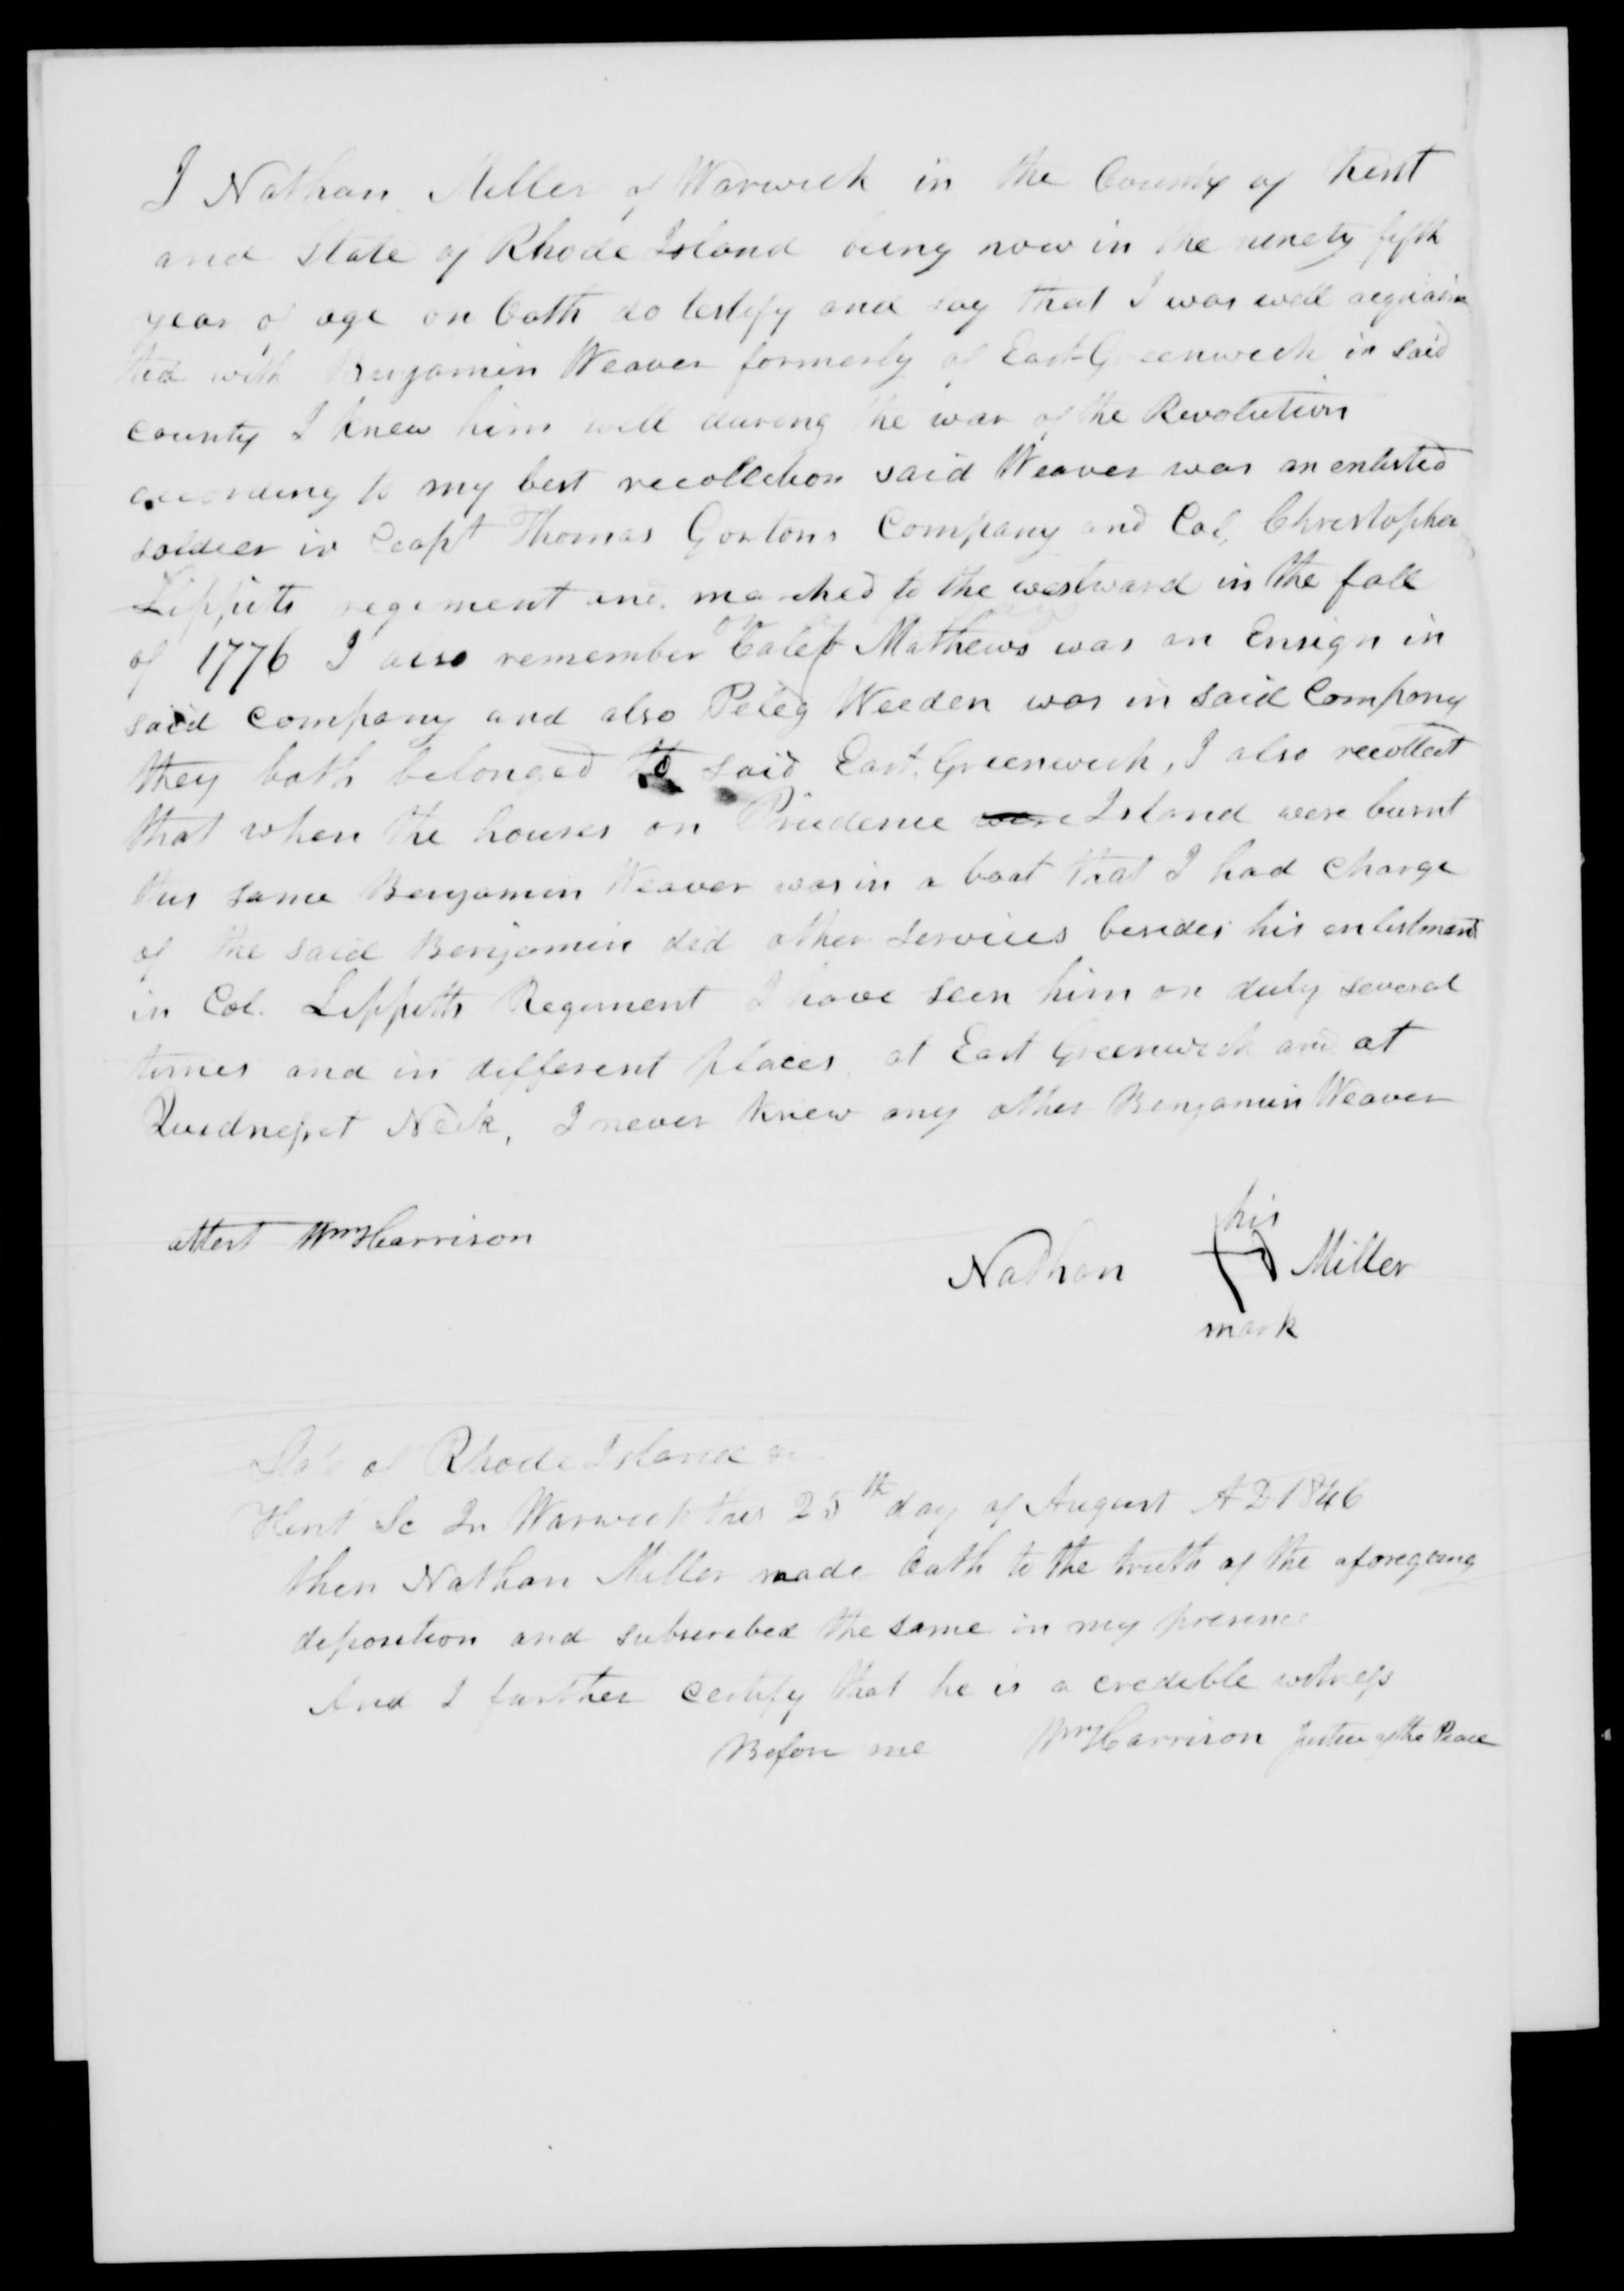I Nathan Miller of Warwick in the County of Kent and State of Rhode Island being now in the ninety fifth year of age on both do testify and say that I was well acquainted with Benjamin Weaver formerly of East Greenwich in said County. I knew him well during the war of the Revolution according to my best recollection said Weaver was an enlisted soldier in Capt Thomas Gortons Company and Col. Christopher  Lippitts regiment of and marched to the westward in the fall of 1776 I also remember one Caleb Mathews was an Ensign in said company and also Peter Weeden was in said company they both belonged to said East Greenwich also recollect that when the houses on Providence Island were burnt the same Benjamin did other services besides his enlistment in Col. Lippitts Regiment I have seen him on duty several times and in different places, at East Greenwich and at Aquidneck, I never knew any other Benjamin Weaver 

Attest Wm Harrison 

Nathan   his X    Miller  
                Mark

State of Rhode Island & Kent Sc In Warwick this 25th day of August  A D 1846
Then Nathan Miller made oath to the truth of the aforegoing deposition and subscribe the same in my presence And I further certify that he is a credible witness Before me

Wm Harrison Justice of the Peace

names: Benjamin Weaver, Caleb Mathews, Wm Harrison, Peleg Weeden, Nathan Miller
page: 23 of 53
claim: widow's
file: W 17707, Benjamin Weaver, R.I.